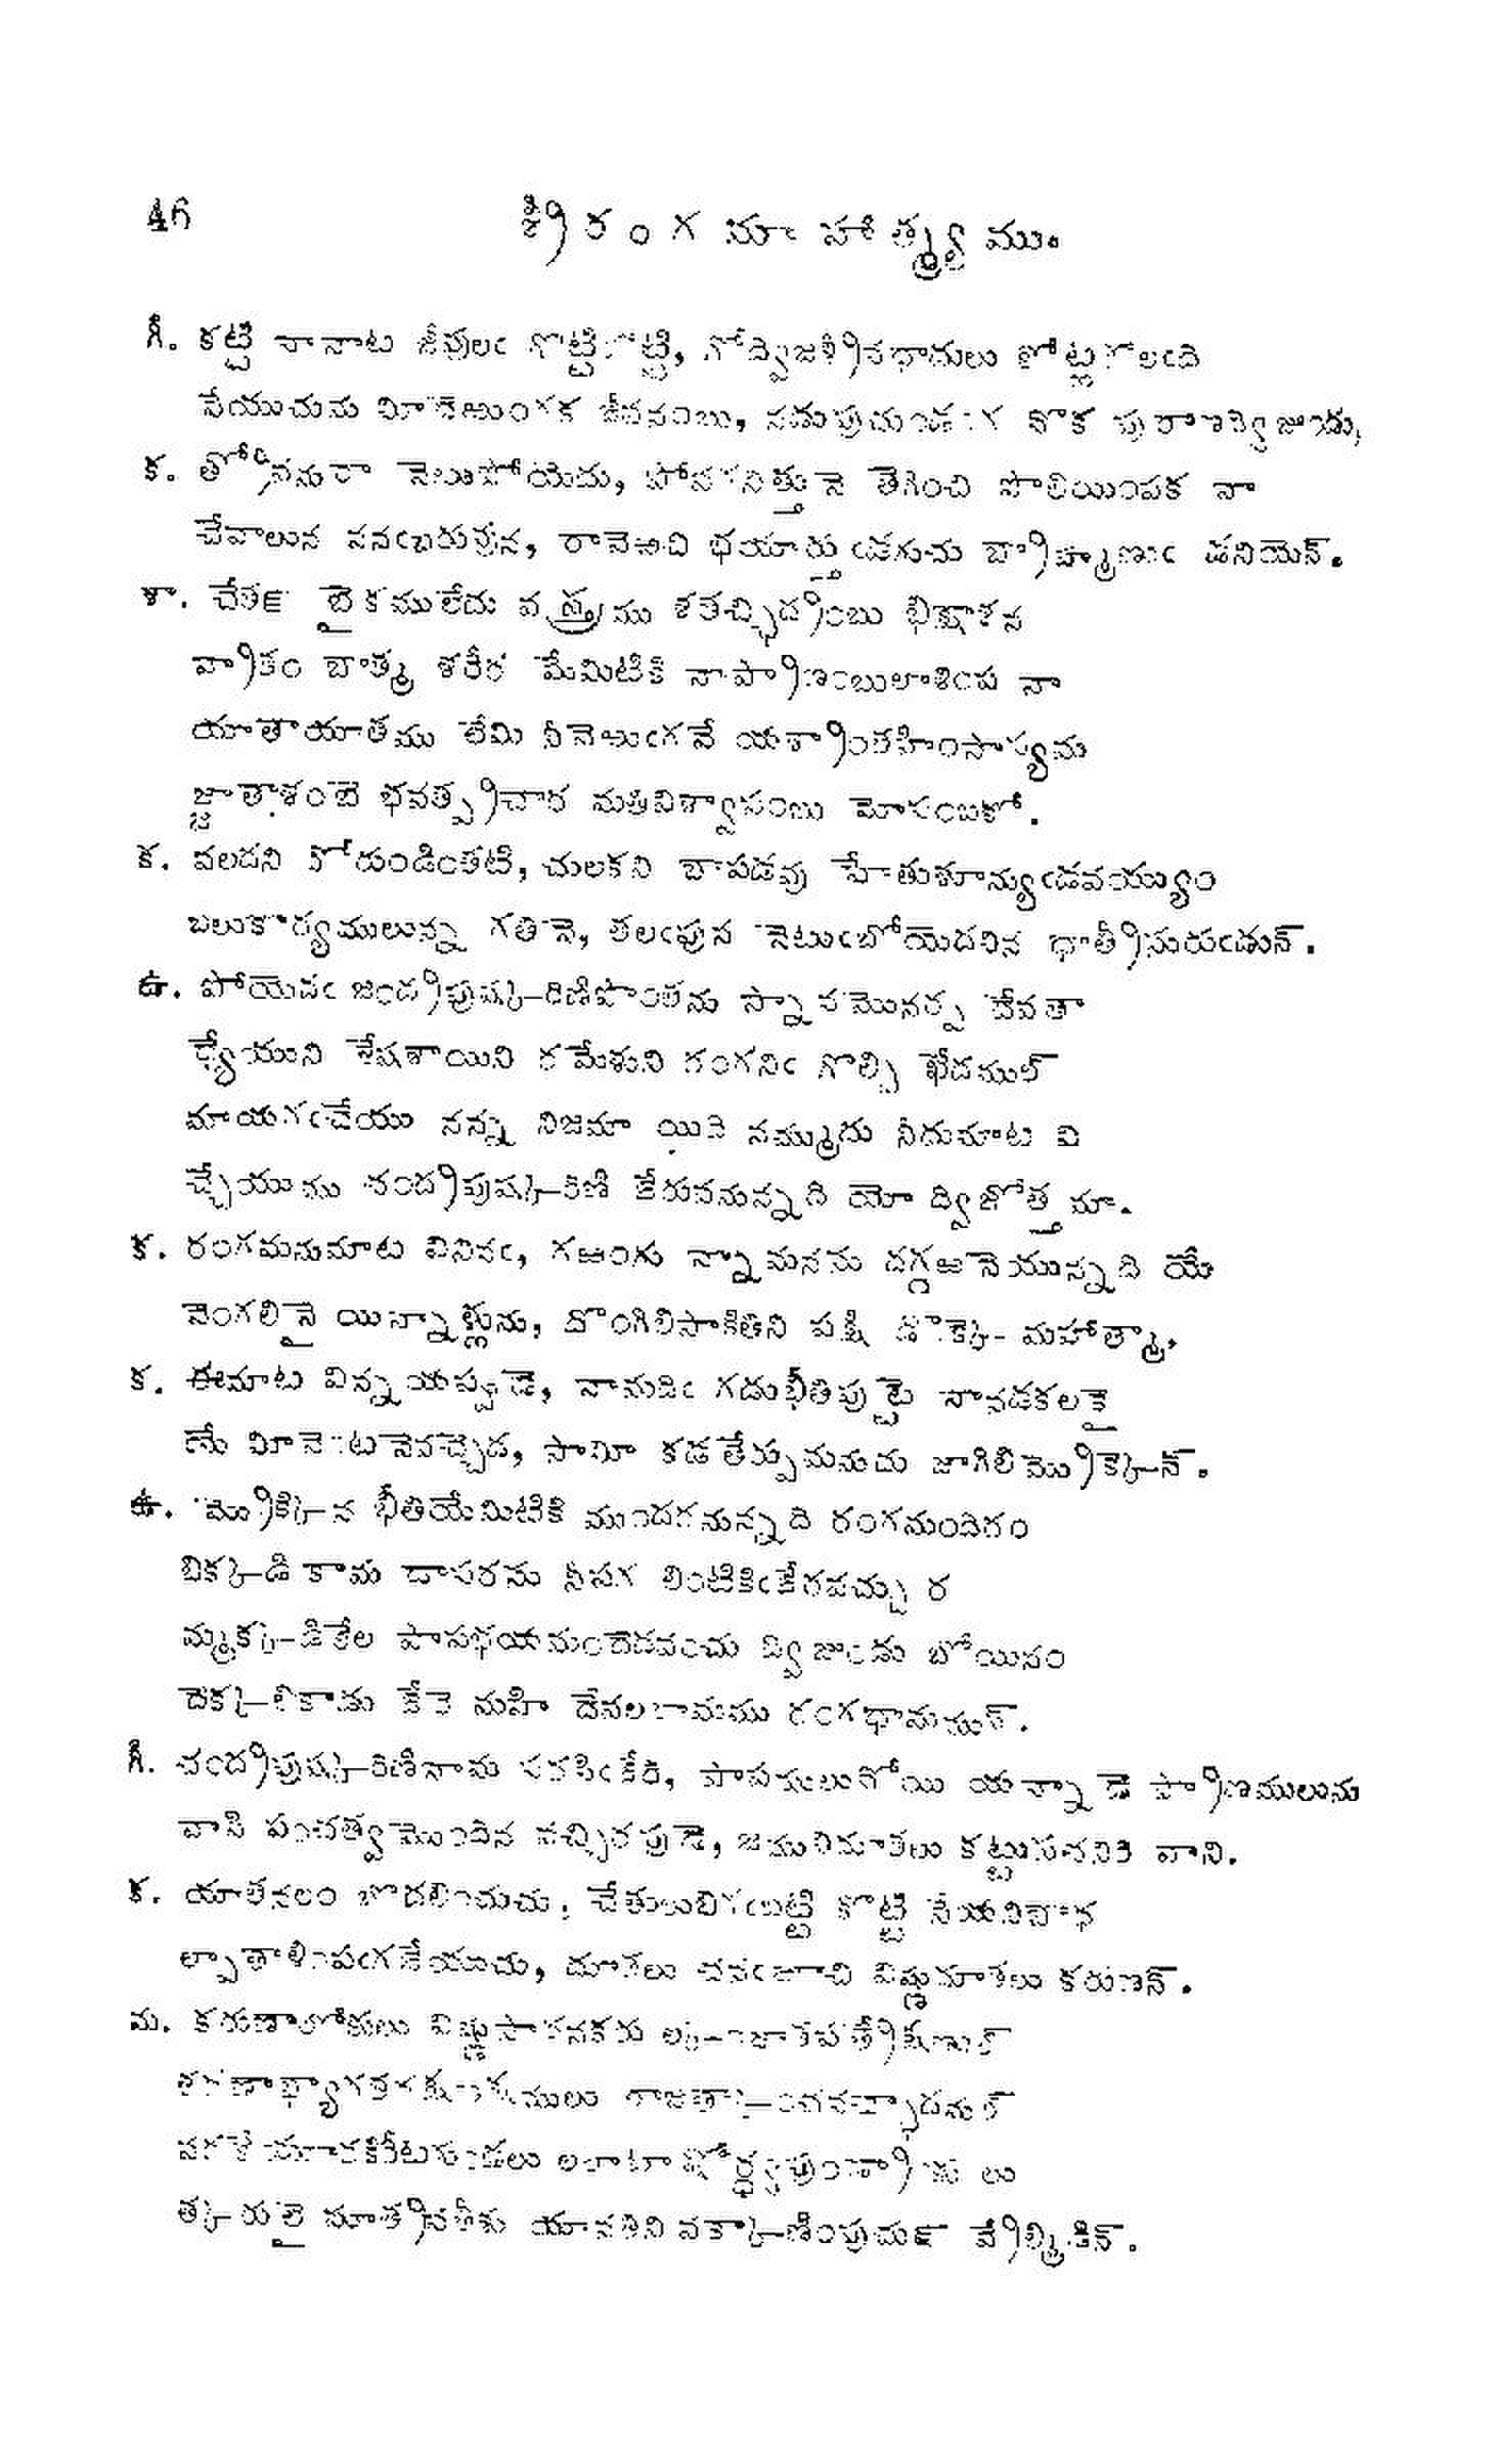గీ. కట్టి నానాట జీవులఁ గొట్టికొట్టి, గోద్విజశ్రీవధాదులు కోట్లకొలఁది
 సేయుచును మీ రెఱుంగక జీవనంబు, నడుపుచుండఁగ నొక పురాణద్విజుండు.
క. త్రోవనురా నెటుపోయెదు, పోవగనిత్తునె తెగించి పొలియింపక నా
 చేవాలున ననఁబరువున, రావెఱచి భయార్తుఁ డగుచు బ్రాహ్మణుఁ డనియెన్.
శా. చేతన్ బైకము లేదు వస్త్రము శతచ్ఛిద్రంబు భిక్షాశన
 వ్రాతం బాత్మ శరీర మేమిటికి నాప్రాణంబులాశింప నా
 యాతాయాతము లేమి నీ వెఱుఁగవే యశ్రాంతహింసాస్యమ
 జ్జాత్తాశంబై భవత్ప్రచార మతివిశ్వాసంబు మోసంబకో.
క. వలదని చోరుండింతటి, చులకని బాపడవు హేతుశూన్యుఁడవయ్యుం
 బలుకార్యములున్న గతినె, తలఁపున నెటుఁబోయెదనిన ధాత్రీసురుఁడున్.
ఉ. పోయెదఁ జంద్రపుష్కరిణిపొంతను స్నాన మొనర్ప దేవతా
 ధ్యేయుని శేషశాయిని రమేశుని రంగనిఁ గొల్చి ఖేదముల్
 మాయగఁజేయు నన్న నిజమా యిది నమ్ముకు నీదుమాట వి
 చ్చేయుము చంద్రపుష్కరిణి జేరువనున్నది యో ద్విజోత్తమా.
క. రంగమను మాట వినినఁ, గఱంగు న్నామనను దగ్గఱనెయున్నది యే
 నెంగలినై యిన్నాళ్లును, దొంగిలిసాకితిని పక్షి డక్కె మహాత్మా.
క. ఈమాట విన్నయప్పుడె, నామతిఁ గడు భీతిపుచ్చి నానడకలకై
 యే మీవెంటనె వచ్చెద, సామీ కడతేర్పుమనుచు జాగిలి మ్రొక్కెన్.
ఉ. మ్రొక్కిన భీతియేమిటికి ముందర నున్నది రంగమందిరం
 బిక్కడి కామదాసరసు నీపగ లింటికిఁజేరవచ్చు ర
 మ్మక్కడి కేల పాపభయమం దెడవంచు ద్విజుండు బోయినం
 దెక్కలికాడు జేరె మహి దేనలలామము రంగధామమున్.
గీ. చంద్రపుష్కరిణినామ సరసిఁ జేరి, పాపములు వోయి యున్నాడె ప్రాణములును
 వాసి పంచత్వ మొందిన వచ్చిరపుడె, జమునిదూతలు కట్టుకుచనిరి వాని.
క. యాతనలం బొదలించుచు, చేతులు బిగఁబట్టి కొట్టి సేనిబాధ
 ల్పాతాళింపఁగఁజేయుచు, దూతలు చనజూచి విష్ణుదూతలు కరుణన్.
మ. కరుణాలోకులు విష్ణుసాధనకరు ల్కంజాతపత్రేక్షణుల్
 శరణాభ్యాతరక్షలక్షములు రాజత్కాంచనచ్ఛాదనుల్
 వరకేయూరకిరీటకుండలు లలాటాక్షోర్ధ్వపుండ్రాంకు లు
 త్కరులై మాత్రవతీశు యానతిని వక్కాణింపుచున్ వ్రేల్మిడిన్.